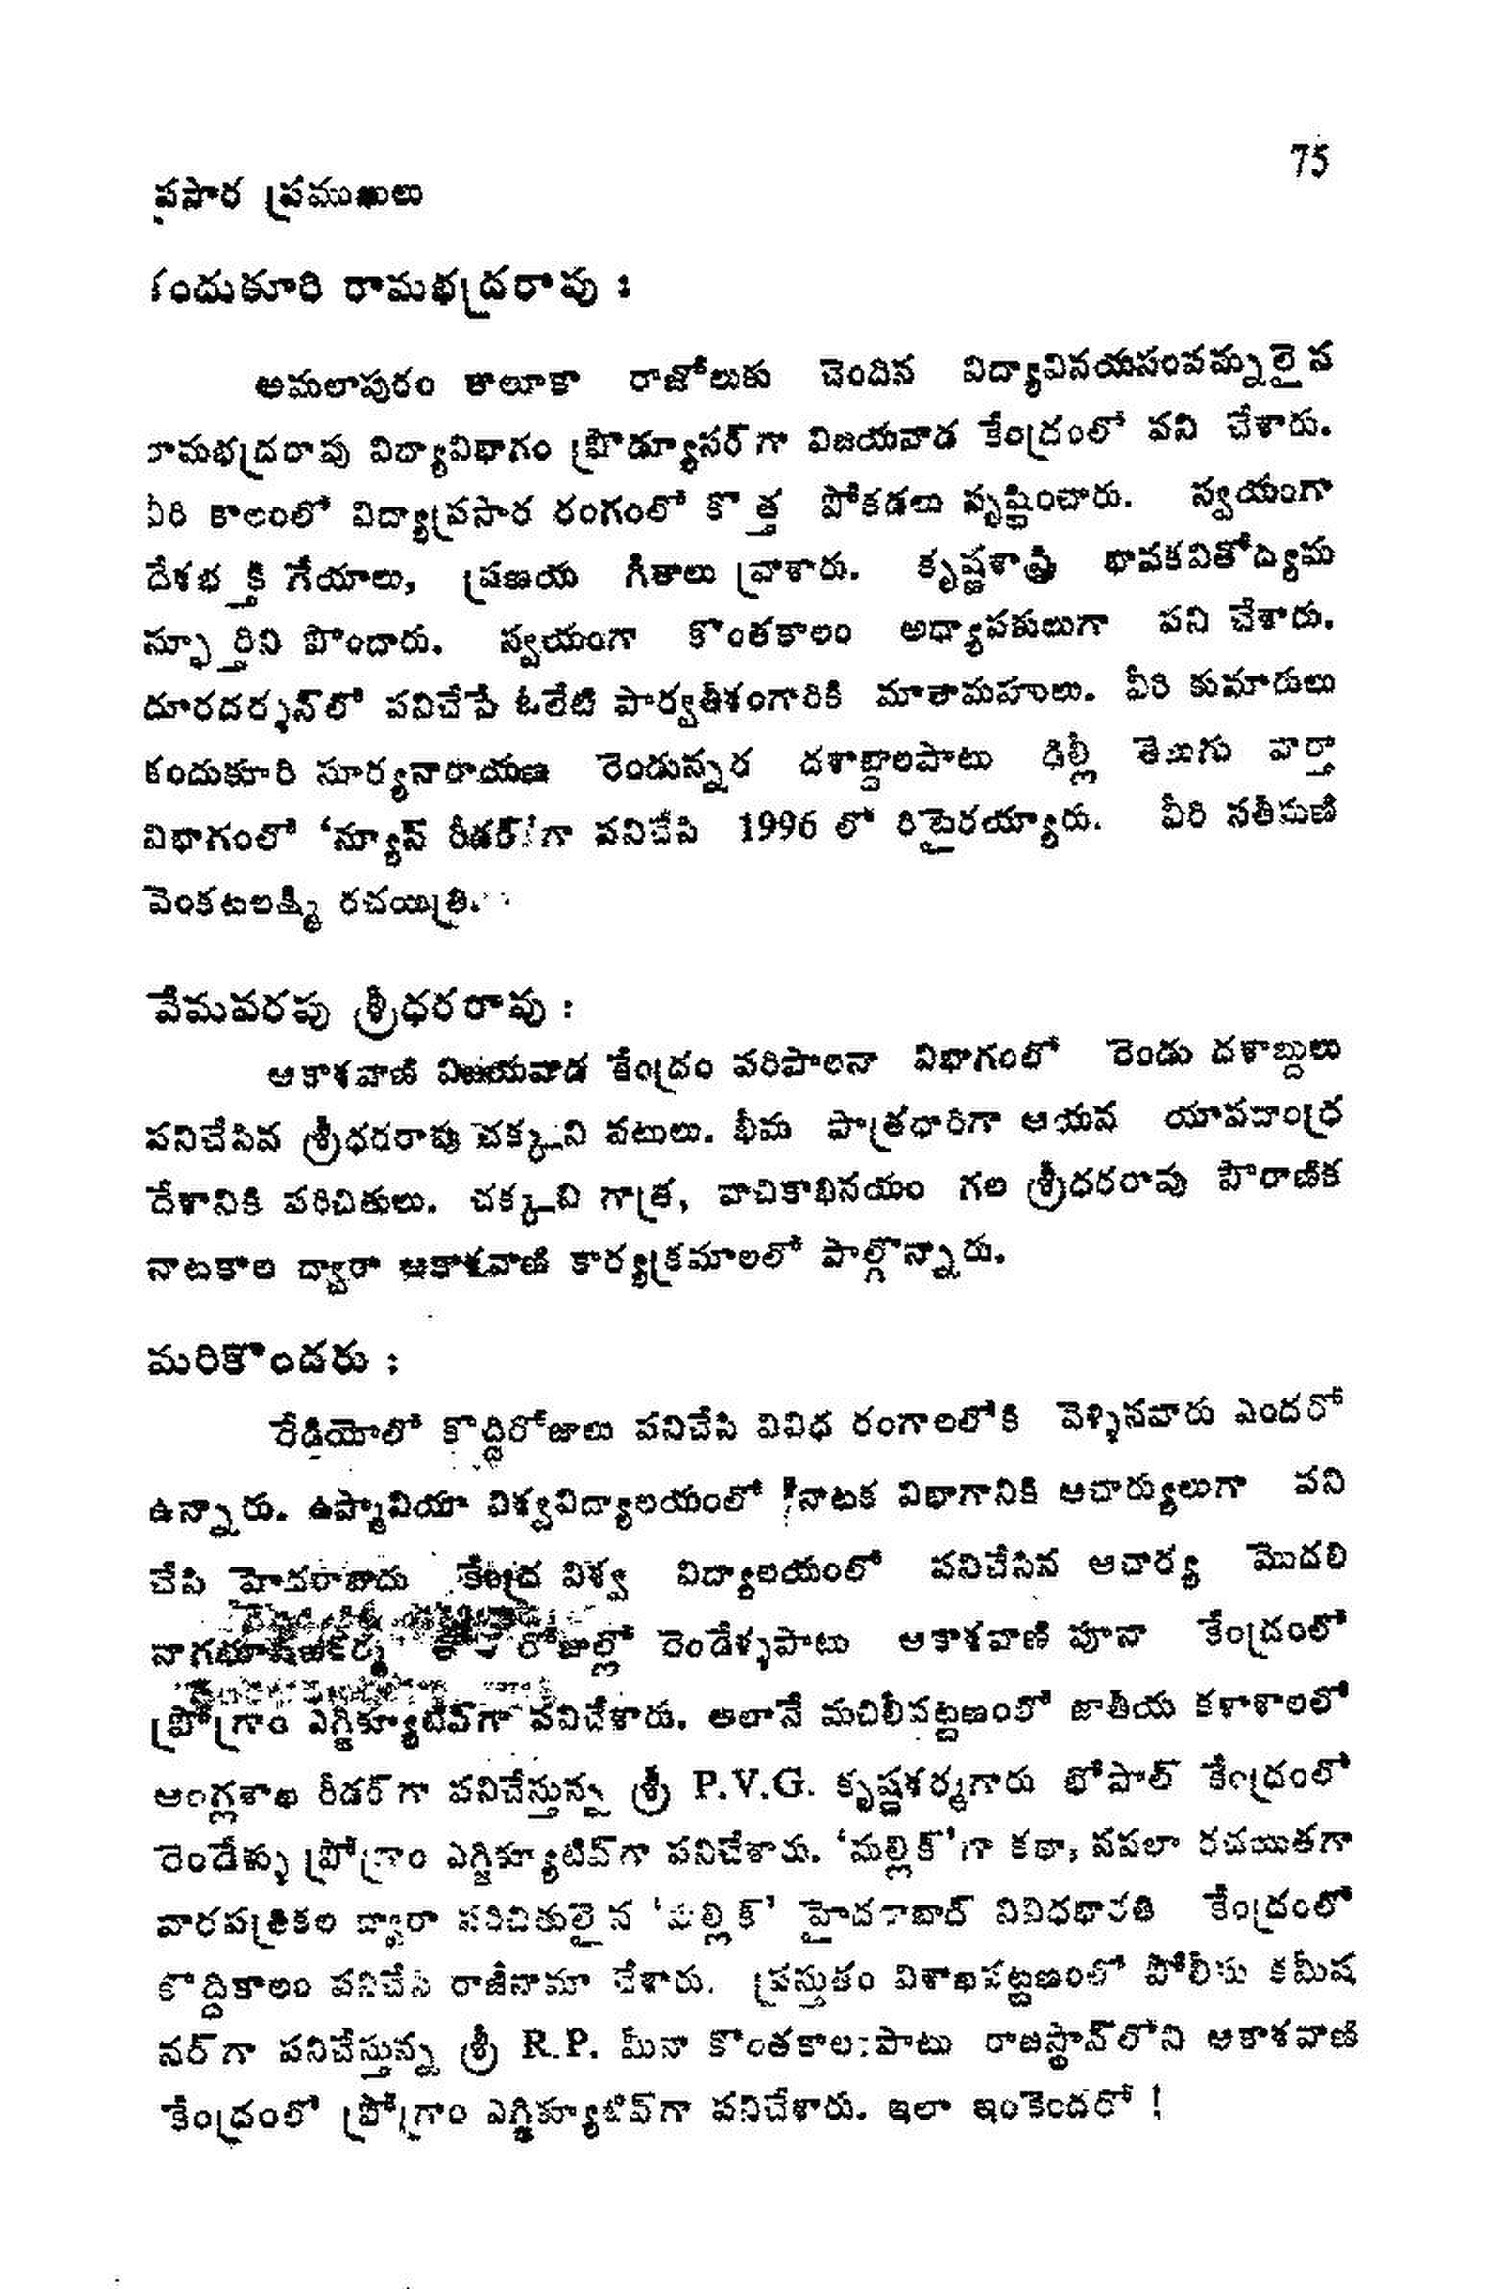అమలాపురం తాలూకా రాజోలుకు చెందిన విద్యావినయసంపన్నులైన రామభద్రరావు విద్యావిభాగం ప్రొడ్యూసర్ గా విజయవాడ కేంద్రంలో పని చేశారు. వీరి కాలంలో విద్యాప్రసార రంగంలో కొత్త పోకడలు సృష్టించారు. స్వయంగా దేశభక్తి గేయాలు, ప్రణయ గీతాలు వ్రాశారు. కృష్ణశాస్త్రి భావకవితోద్యమ స్ఫూర్తిని పొందారు. స్వయంగా కొంతకాలం అధ్యాపకులుగా పని చేశారు. దూరదర్శన్‌లో పనిచేసే ఓలేటి పార్వతీశంగారికి మాతామహులు. వీరి కుమారులు కందుకూరి సూర్యనారాయణ రెండున్నర దశాబ్దాలపాటు ఢిల్లీ తెలుగు వార్తా విభాగంలో 'న్యూస్ రీడర్‌' గా పనిచేసి 1996 లో రిటైరయ్యారు. వీరి సతీమణి వెంకటలక్ష్మి రచయిత్రి.

ఆకాశవాణి విజయవాడ కేంద్రం పరిపాలనా విభాగంలో రెండు దశాబ్దాలు పనిచేసిన శ్రీధరరావు చక్కని నటులు, భీమ పాత్రధారిగా ఆయన యావదాంధ్ర దేశానికి పరిచితులు. చక్కని గాత్ర, వాచికాభినయం గల శ్రీధరరావు పౌరాణిక నాటకాల ద్వారా ఆకాశవాణి కార్యక్రమాలలో పాల్గొన్నారు.

రేడియోలో కొద్దిరోజులు పనిచేసి వివిధ రంగాలలోకి వెళ్ళినవారు ఎందరో ఉన్నారు. ఉస్మానియా విశ్వవిద్యాలయంలో నాటక విభాగానికి ఆచార్యులుగా పనిచేసి హైదరాబాదు కేంద్ర విశ్వవిద్యాలయంలో పనిచేసిన ఆచార్య మొదలి నాగభూషణశర్మ తొలి రోజుల్లో రెండేళ్ళపాటు ఆకాశవాణి పూనా కేంద్రంలో ప్రోగ్రాం ఎగ్జిక్యూటివ్‌గా పనిచేశారు. అలానే మచిలీపట్టణంలో జాతీయ కళాశాలలో ఆంగ్లశాఖ రీడర్‌గా పనిచేస్తున్న శ్రీ P.V.G. కృష్ణశర్మగారు భోపాల్ కేంద్రంలో రెండేళ్ళు ప్రోగ్రాం ఎగ్జిక్యూటివ్‌గా పనిచేశారు. 'మల్లిక్‌'గా కథా, నవలా రచయితగా వారపత్రికల ద్వారా పరిచితులైన 'మల్లిక్‌' హైదరాబాద్ వివిధభారతి కేంద్రంలో కొద్దికాలం పనిచేసి రాజీనామా చేశారు. ప్రస్తుతం విశాఖపట్టణంలో పోలీసు కమీషనర్‌గా పనిచేస్తున్న శ్రీ R.P. మీనా కొంతకాలంపాటు రాజస్థాన్‌లోని ఆకాశవాణి కేంద్రంలో ప్రోగ్రాం ఎగ్జిక్యూటివ్‌గా పనిచేశారు. ఇలా ఇంకెందరో !